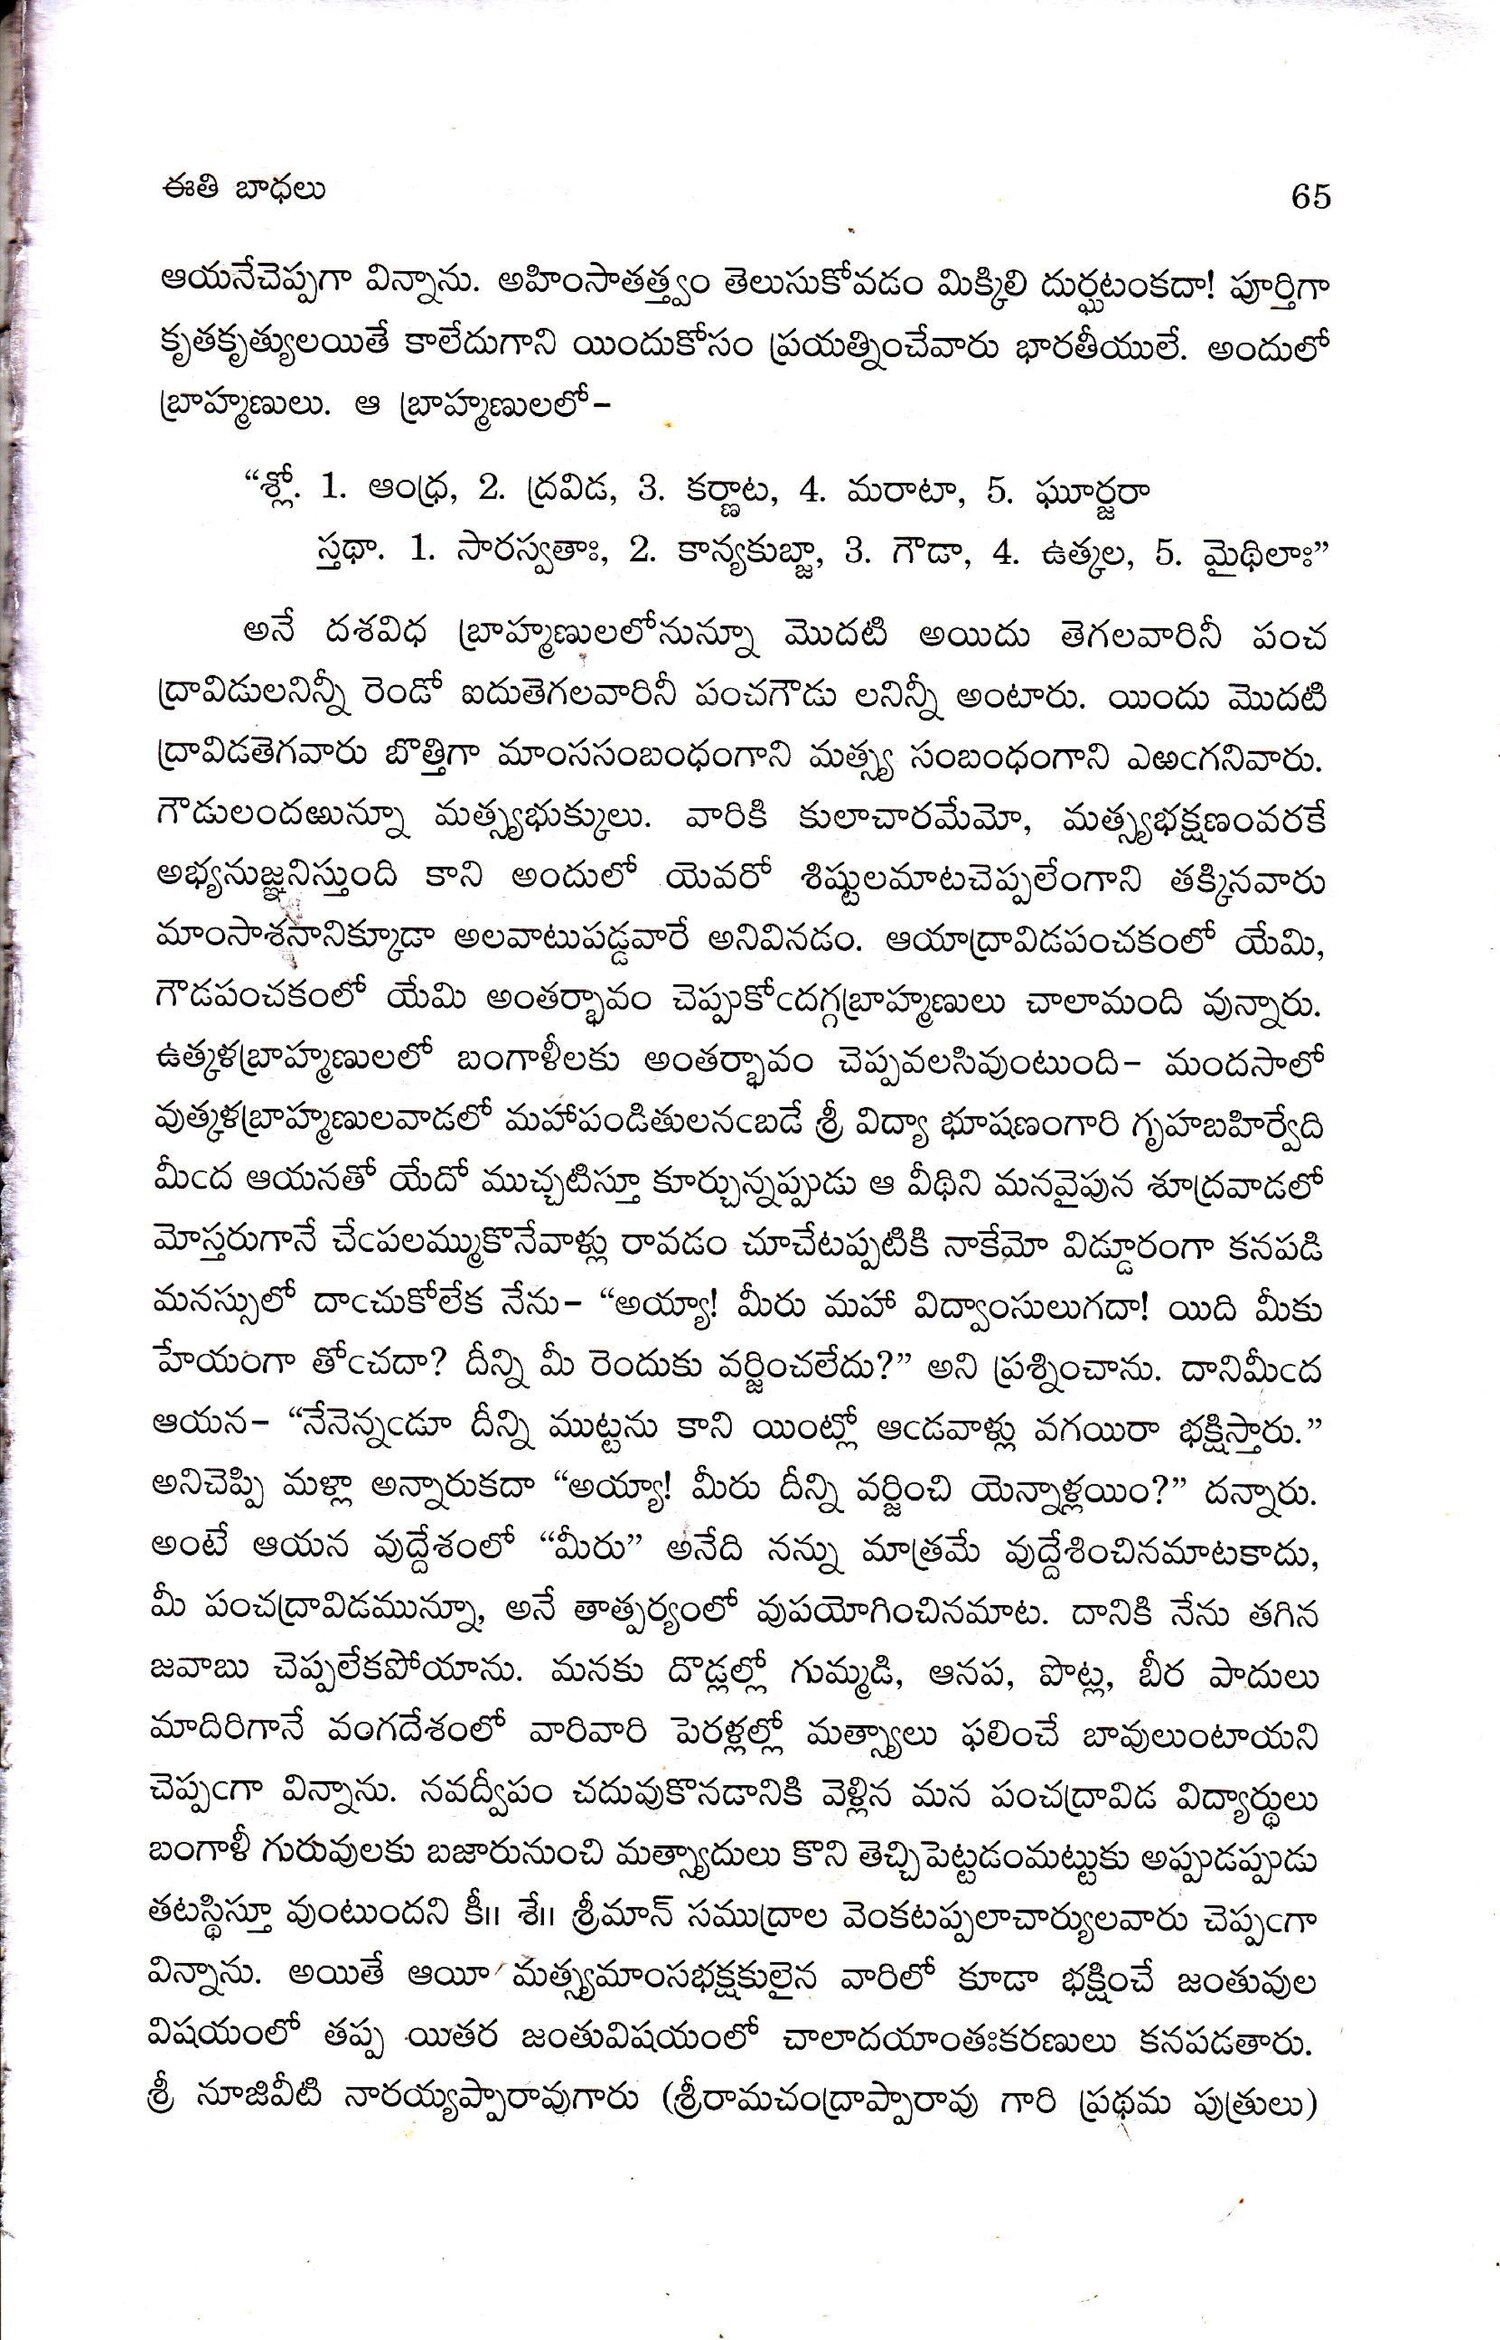ఆయనేచెప్పగా విన్నాను. అహింసాతత్త్వం తెలుసుకోవడం మిక్కిలి దుర్ఘటంకదా! పూర్తిగా కృతకృత్యులయితే కాలేదుగాని యిందుకోసం ప్రయత్నించేవారు భారతీయులే. అందులో
బ్రాహ్మణులు. ఆ బ్రాహ్మణులలో
“శ్లో 1. ఆంధ్ర, 2. ద్రవిడ, 3. కర్ణాట, 4. మరాటా, 5, ఘూర్ణరా
స్తథా, 1. సారస్వతాః, 2. కాన్యకుబ్దా, 3. గౌడా, 4. ఉత్కల, 5. మైథిలాః"
అనే దశవిధ బ్రాహ్మణులలోనున్నూ మొదటి అయిదు తెగలవారినీ పంచ ద్రావిడులనిన్నీ రెండో ఐదుతెగలవారినీ పంచగౌడు లనిన్నీ అంటారు. యిందు మొదటి ద్రావిడతెగవారు బొత్తిగా మాంససంబంధంగాని మత్స్య సంబంధంగాని ఎఱంగనివారు. గౌడులందఱున్నూ మత్స్యభుక్కులు. వారికి కులాచారమేమో, మత్స్యభక్షణంవరకే అభ్యనుజ్ఞనిస్తుంది కాని అందులో యెవరో శిషులమాటచెప్పలేంగాని తక్కినవారు మాంసాశనానికూడా అలవాటుపడ్డవారే అనివినడం. ఆయా ద్రావిడపంచకంలో యేమి, గౌడపంచకంలో యేమి అంతర్భావం చెప్పకోCదగ్గబ్రాహ్మణులు చాలామంది వున్నారు. ఉత్కళ బ్రాహ్మణులలో బంగాళీలకు అంతర్భావం చెప్పవలసివుంటుంది- మందసాలో వుత్కళ బ్రాహ్మణులవాడలో మహాపండితులనంబడే శ్రీ విద్యా భూషణంగారి గృహబహిర్వేది మీంద ఆయనతో యేదో ముచ్చటిస్తూ కూర్చున్నప్పడు ఆ వీథిని మనవైపున శూద్రవాడలో మోస్తరుగానే చేయలమ్మకొనేవాళ్లు రావడం చూచేటప్పటికి నాకేమో విడూరంగా కనపడి మనస్సులో దాcచుకోలేక నేను- “అయ్యా! మీరు మహా విద్వాంసులుగదా! యిది మీకు హేయంగా తోంచదా? దీన్ని మీ రెందుకు వర్ణించలేదు?” అని ప్రశ్నించాను. దానిమీంద ఆయన- "నేనెన్నండూ దీన్ని ముట్టను కాని యింట్లో ఆండవాళ్లు వగయిరా భక్షిస్తారు.” అనిచెప్పి మళ్లా అన్నారుకదా "అయ్యా! మీరు దీన్ని వర్ణించి యెన్నాళ్లయిం?” దన్నారు. అంటే ఆయన వుద్దేశంలో “మీరు" అనేది నన్ను మాత్రమే వుద్దేశించినమాటకాదు, మీ పంచద్రావిడమున్నూ, అనే తాత్పర్యంలో వుపయోగించినమాట. దానికి నేను తగిన జవాబు చెప్పలేకపోయాను. మనకు దొడ్లల్లో గుమ్మడి, ఆనప, పొట్ల, బీర పాదులు మాదిరిగానే వంగదేశంలో వారివారి పెరళ్లల్లో మత్స్యాలు ఫలించే బావులుంటాయని చెప్పఁగా విన్నాను. నవద్వీపం చదువుకొనడానికి వెళ్లిన మన పంచద్రావిడ విద్యార్థులు బంగాళీ గురువులకు బజారునుంచి మత్స్యాదులు కొని తెచ్చిపెట్టడంమట్టుకు అప్పుడప్పుడు తటస్థిస్తూ వుంటుందని కీ|| శే శ్రీమాన్ సముద్రాల వెంకటప్పలాచార్యులవారు చెప్పంగా విన్నాను. అయితే ఆయీ మత్స్యమాంసభక్షకులైన వారిలో కూడా భక్షించే జంతువుల విషయంలో తప్ప యితర జంతువిషయంలో చాలాదయాంతఃకరణులు కనపడతారు. శ్రీ నూజివీటి నారయ్యప్పారావుగారు (శ్రీరామచంద్రాప్పారావు గారి ప్రథమ పుత్రులు)